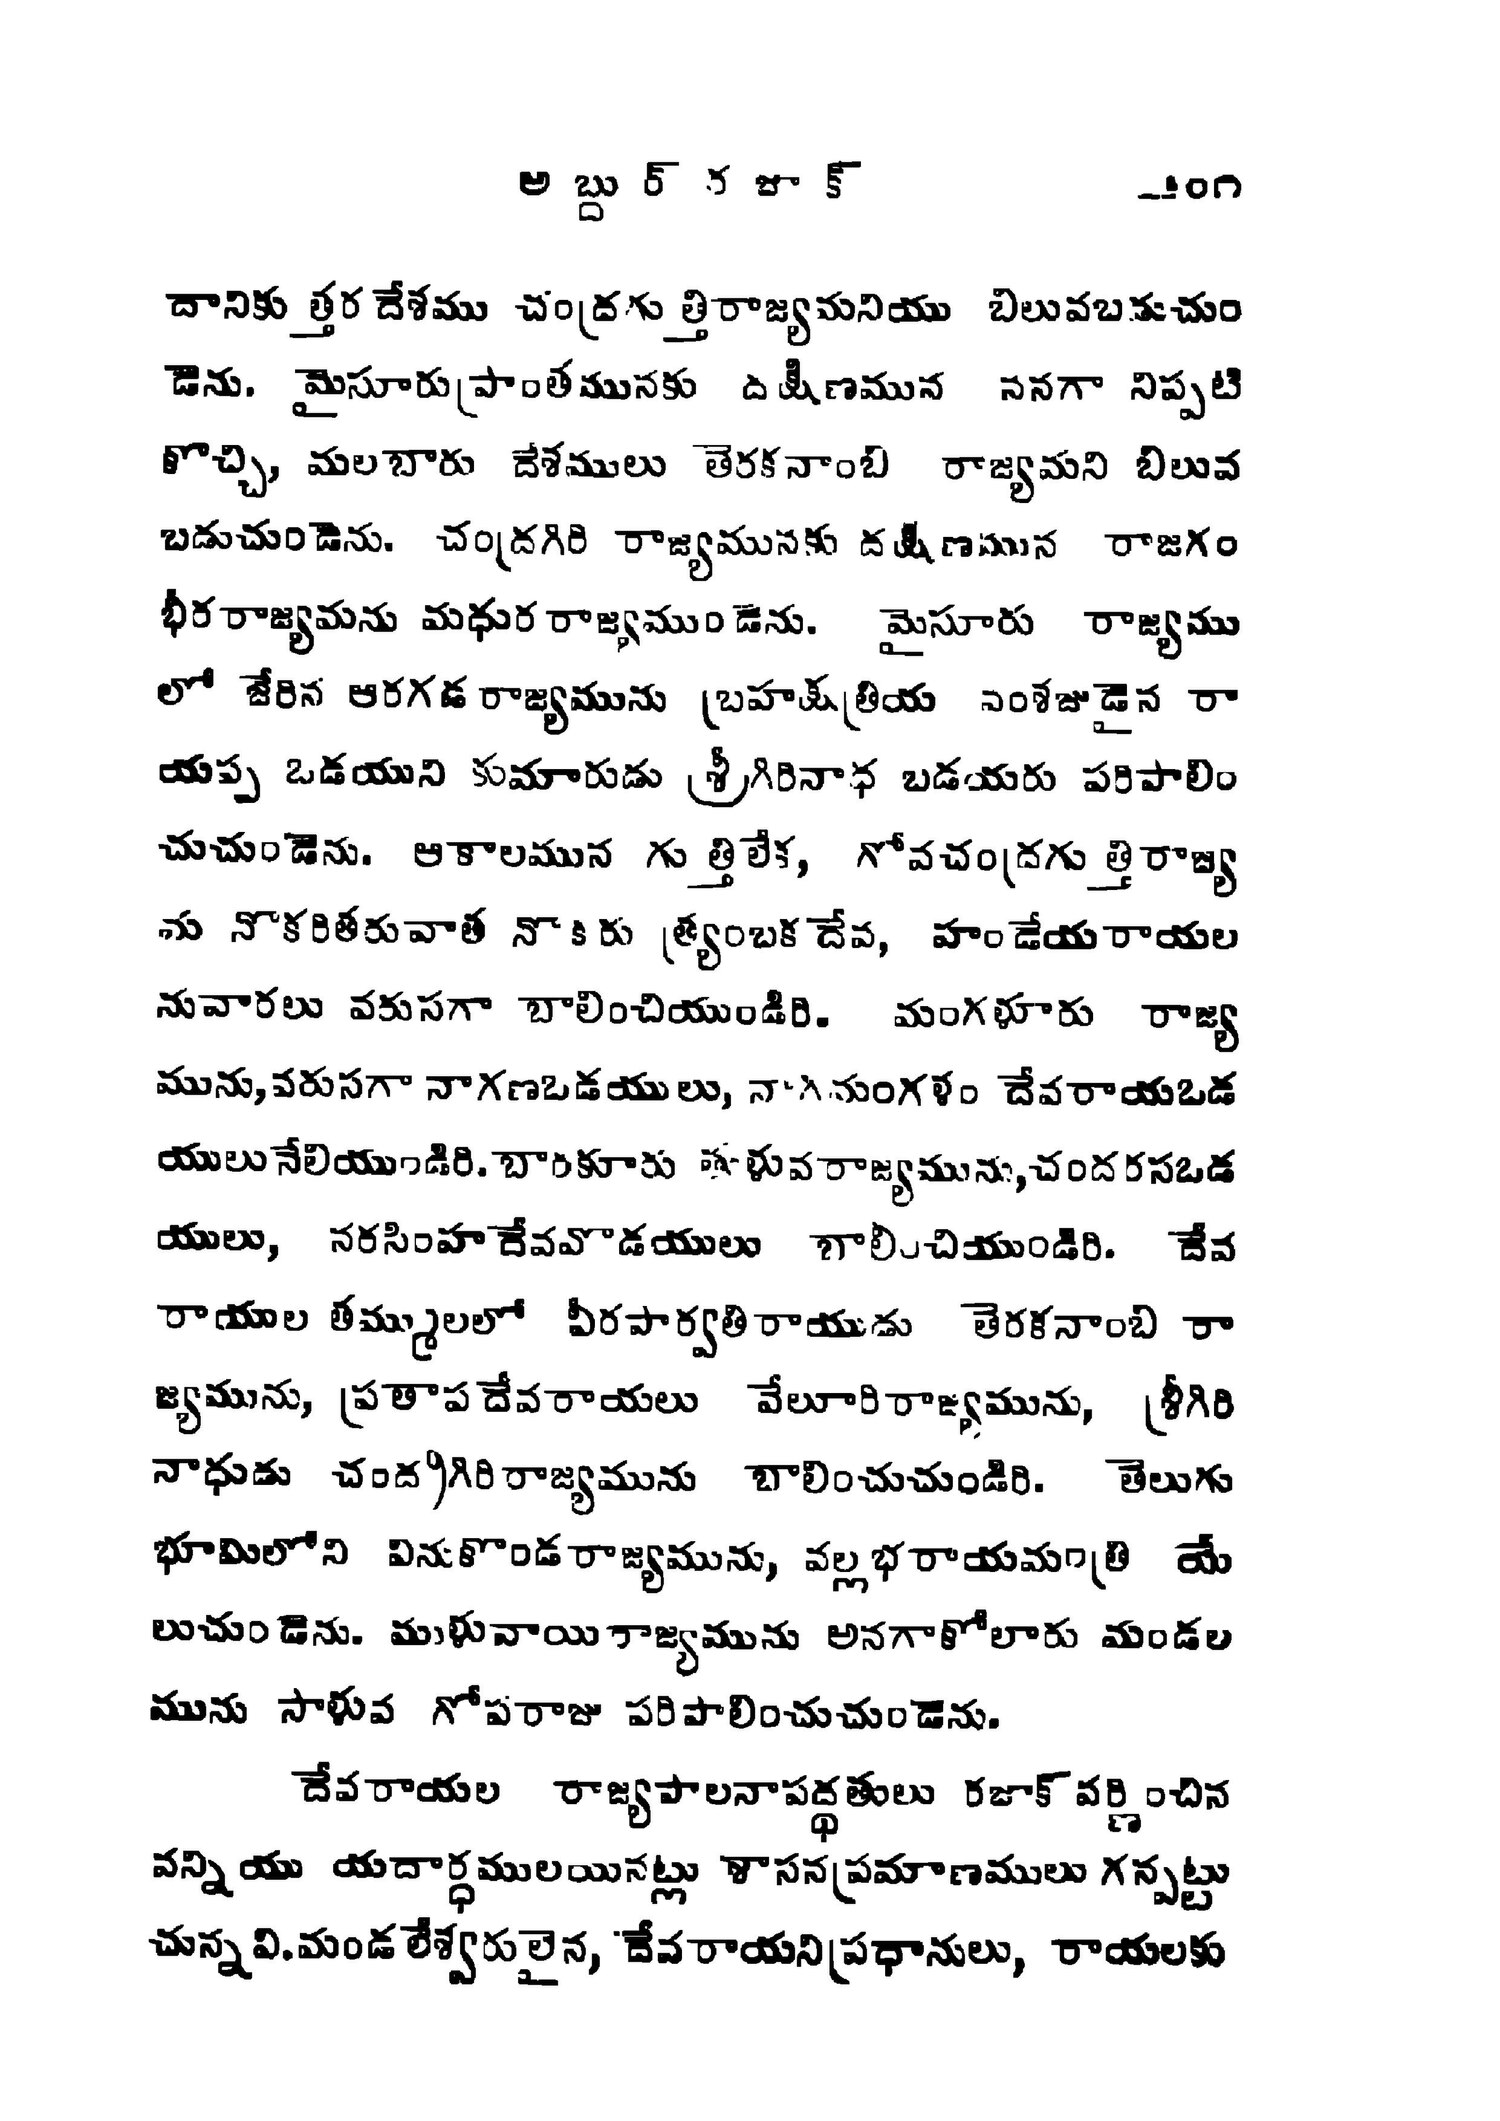దానికుత్తరదేశము చంద్రగుత్తి రాజ్యమనియు బిలువబడుచుండెను. మైసూరు ప్రాంతమునకు దక్షిణమున ననగా నిప్పటి కొచ్చి, మలబారు దేశములు తెరకనాంబి రాజ్యమని బిలువబడు చుండెను. చంద్రగిరి రాజ్యమునకు దక్షిణమున రాజగంభీర రాజ్యమను మధుర రాజ్యముండెను. మైసూరు రాజ్యములో జేరిన ఆరగడ రాజ్యమును బ్రహక్షత్రియ వంశుజుడైన రాయప్ప ఒడయుని కుమారుడు శ్రీగిరినాధ బడయరు పరిపాలించుచుండెను. ఆకాలమున గుత్తిలేక, గోవచంద్రగుత్తిరాజ్యమ నొకరితరువాత నొకరు త్ర్యంబకదేవ, హండేయ రాయలనువారలు వరుసగా బాలించియుండిరి. మంగళూరు రాజ్యమును, వరుసగా నాగణఒడయలు, నాగమంగళం దేవరాయఒడయులు నేలియుండిరి. బారకూరు తుళువరాజ్యమును, చందరసఒడయులు, నరసింహదేవవొడయులు బాలించియుండిరి. దేవరాయుల తమ్ములలో వీరపార్వతిరాయుడు తెరకనాంబి రాజ్యమును, ప్రతాపదేవరాయలు వేలూరిరాజ్యమును, శ్రీగిరినాధుడు చంద్రగిరిరాజ్యమును బాలించుచుండిరి. తెలుగు భూమిలోని వినుకొండ రాజ్యమును, వల్లభరాయమంత్రి యేలుచుండెను. ముళువాయి రాజ్యమును అనగాకోలారు మండలమును సాళువ గోపరాజు పరిపాలించు చుండెను.

దేవరాయల రాజ్యపాలనాపద్ధతులు రజాక్ వర్ణించిన వన్నియు యదార్ధములయినట్లు శాసనప్రమాణములు గన్పట్టుచున్నవి. మండలేశ్వరులైన, దేవరాయని ప్రధానులు, రాయలకు